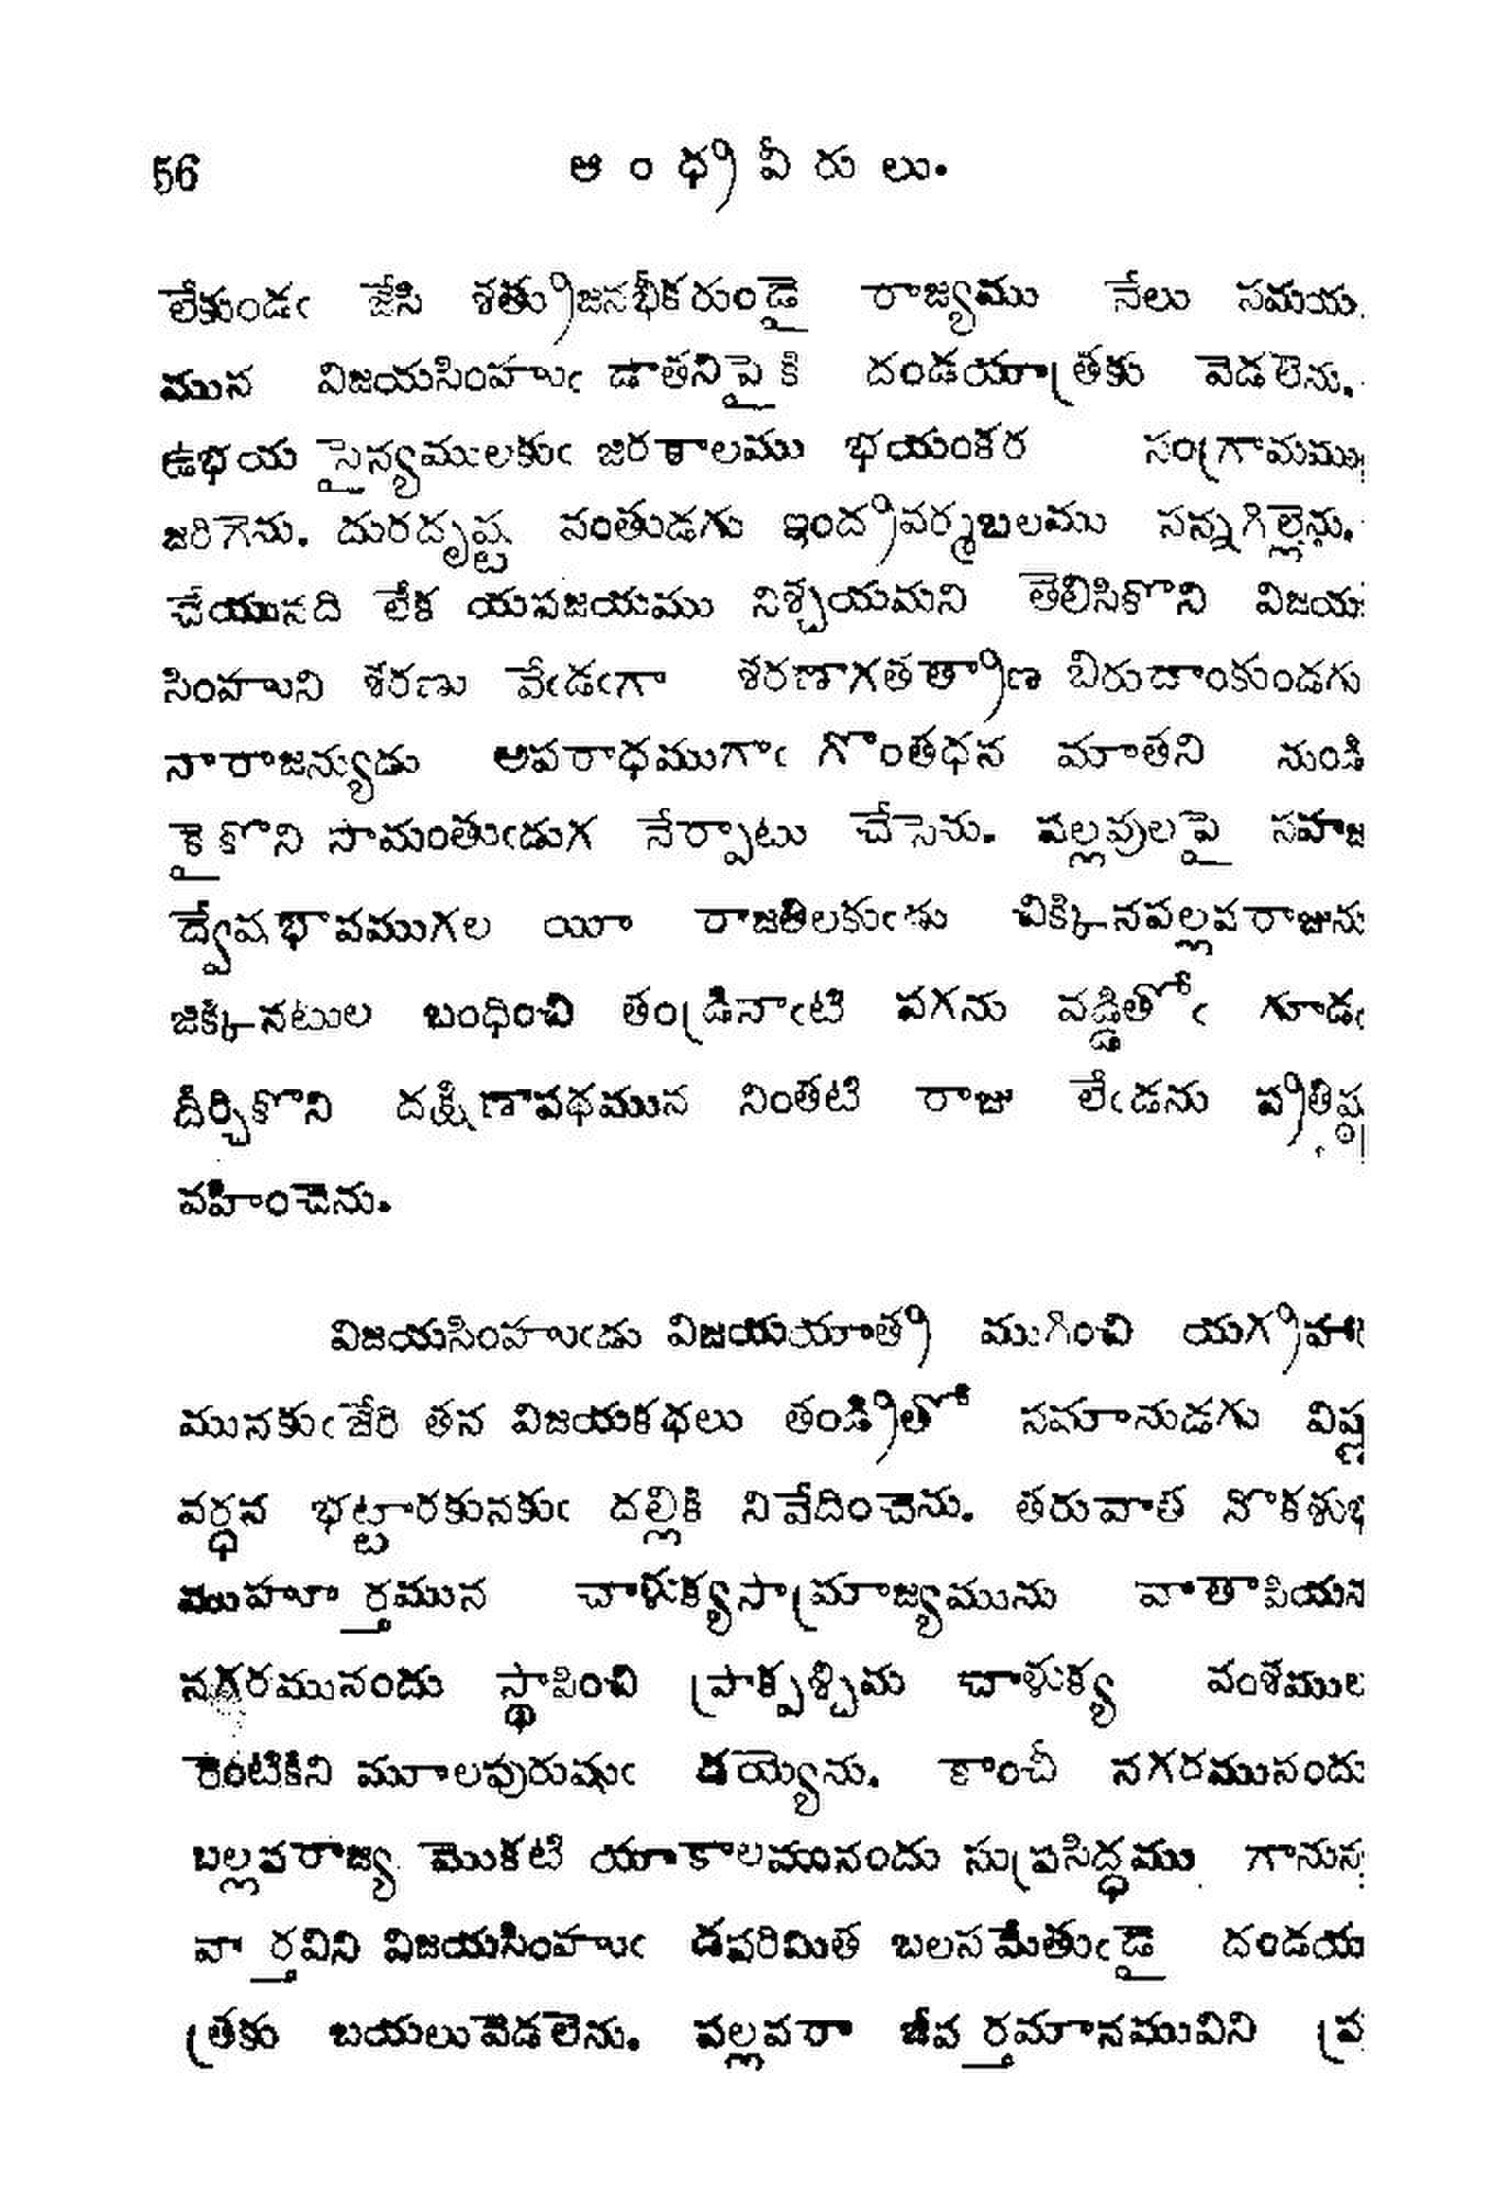లేకుండ జేసి శత్రుజనభీకరుండై రాజ్యము నేలు సమయమున విజయసింహు డాతనిపైకి దండయాత్రకు వెడలెను. ఉభయ సైన్యములకు జిరకాలము భయంకర సంగ్రామము జరిగెను. దురదృష్ట వంతుడగు ఇంద్రవర్మబలము సన్నగిల్లెను. చేయునది లేక యపజయము నిశ్చయమని తెలిసికొని విజయసింహుని శరణు వేడగా శరణాగతత్రాణ బిరుదాంకుండగు నారాజన్యుడు అపరాధముగా గొంతధన మాతని నుండి కైకొని సామంతుడుగ నేర్పాటు చేసెను. పల్లవులపై సహజ ద్వేషభావముగల యీ రాజతిలకుడు చిక్కినపల్లవరాజును జిక్కినటుల బంధించి తండ్రినాటి పగను వడ్డితో గూడ దీర్చికొని దక్షిణాపథమున నింతటి రాజు లేడను ప్రతిష్ఠ వహించెను.

విజయసింహుడు విజయయాత్ర ముగించి యగ్రహారమునకు జేరి తన విజయకథలు తండ్రితో సమానుడగు విష్ణువర్ధన భట్టారకునకు దల్లికి నివేదించెను. తరువాత నొకశుభ ముహూర్తమున చాళుక్యసామ్రాజ్యమును వాతాపియను నగరమునందు స్థాపించి ప్రాక్పశ్చిమ చాళుక్య వంశముల రెంటికిని మూలపురుషు డయ్యెను. కాంచీ నగరమునందు బల్లవరాజ్య మొకటి యాకాలమునందు సుప్రసిద్ధము గానున్న వార్తవిని విజయసింహు డపరిమిత బలసమేతుడై దండయాత్రకు బయలువెడలెను. పల్లవరా జీవర్తమానమువిని ప్రతి